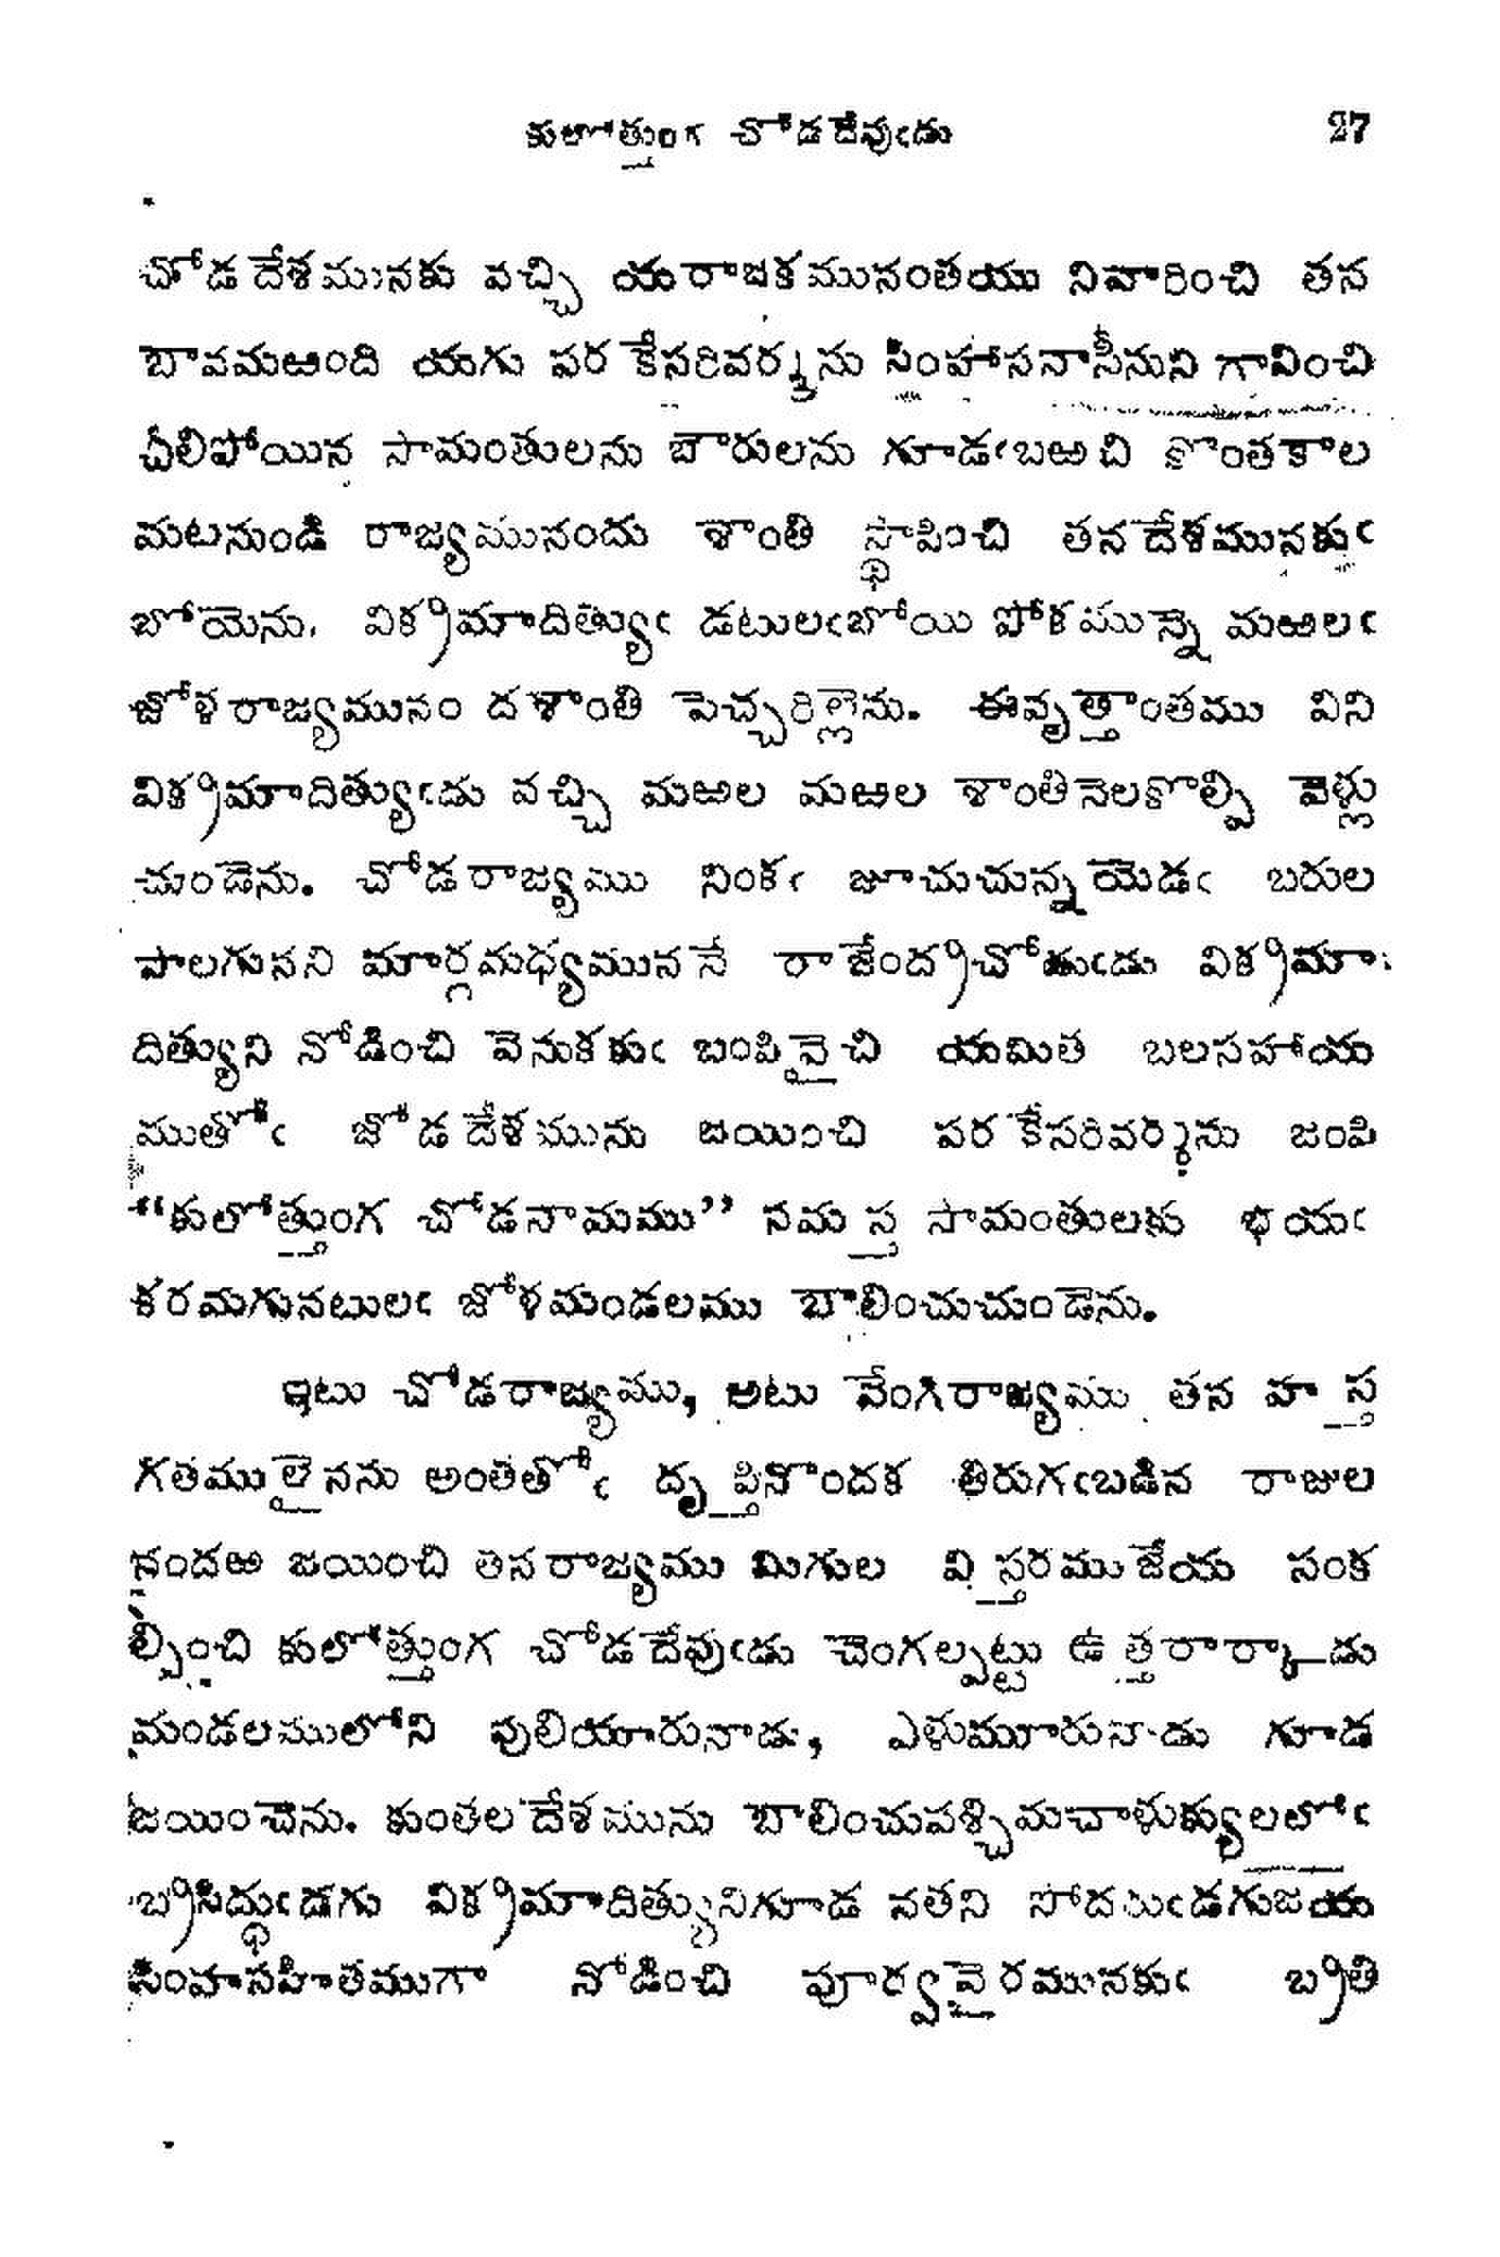చోడదేశమునకు వచ్చి యరాజకమునంతయు నివారించి తన బావమఱంది యగు పర కేసరివర్మను సింహాసనాసీనుని గావించి చీలిపోయిన సామంతులను బౌరులను గూడబఱచి కొంతకాల మటనుండి రాజ్యమునందు శాంతి స్థాపించి తనదేశమునకు బోయెను. విక్రమాదిత్యు డటులబోయి పోకమున్నె మఱల జోళరాజ్యమునం దశాంతి పెచ్చరిల్లెను. ఈవృత్తాంతము విని విక్రమాదిత్యుడు వచ్చి మఱల మఱల శాంతినెలకొల్పి వెళ్లు చుండెను. చోడరాజ్యము నింక జూచుచున్నయెడ బరుల పాలగునని మార్గమధ్యముననే రాజేంద్రచోడుడు విక్రమాదిత్యుని నోడించి వెనుకకు బంపివైచి యమిత బలసహాయముతో జోడదేశమును జయించి పరకేసరివర్మను జంపి "కులోత్తుంగ చోడనామము" సమస్త సామంతులకు భయంకరమగునటుల జోళమండలము బాలించుచుండెను. 

ఇటు చోడరాజ్యము, అటు వేంగిరాజ్యము తన హస్తగతములైనను అంతతో దృప్తినొందక తిరుగబడిన రాజుల నందఱ జయించి తనరాజ్యము మిగుల విస్తరముజేయ సంకల్పించి కులోత్తుంగ చోడదేవుడు చెంగల్పట్టు ఉత్తరార్కాడు మండలములోని పులియారునాడు, ఎళుమూరునాడు గూడ జయించెను. కుంతలదేశమును బాలించుపశ్చిమచాళుక్యులలో బ్రసిద్ధుడగు విక్రమాదిత్యునిగూడ నతని సోదరుడగు జయసింహ సహితముగా నోడించి పూర్వవైరమునకు బ్రతి